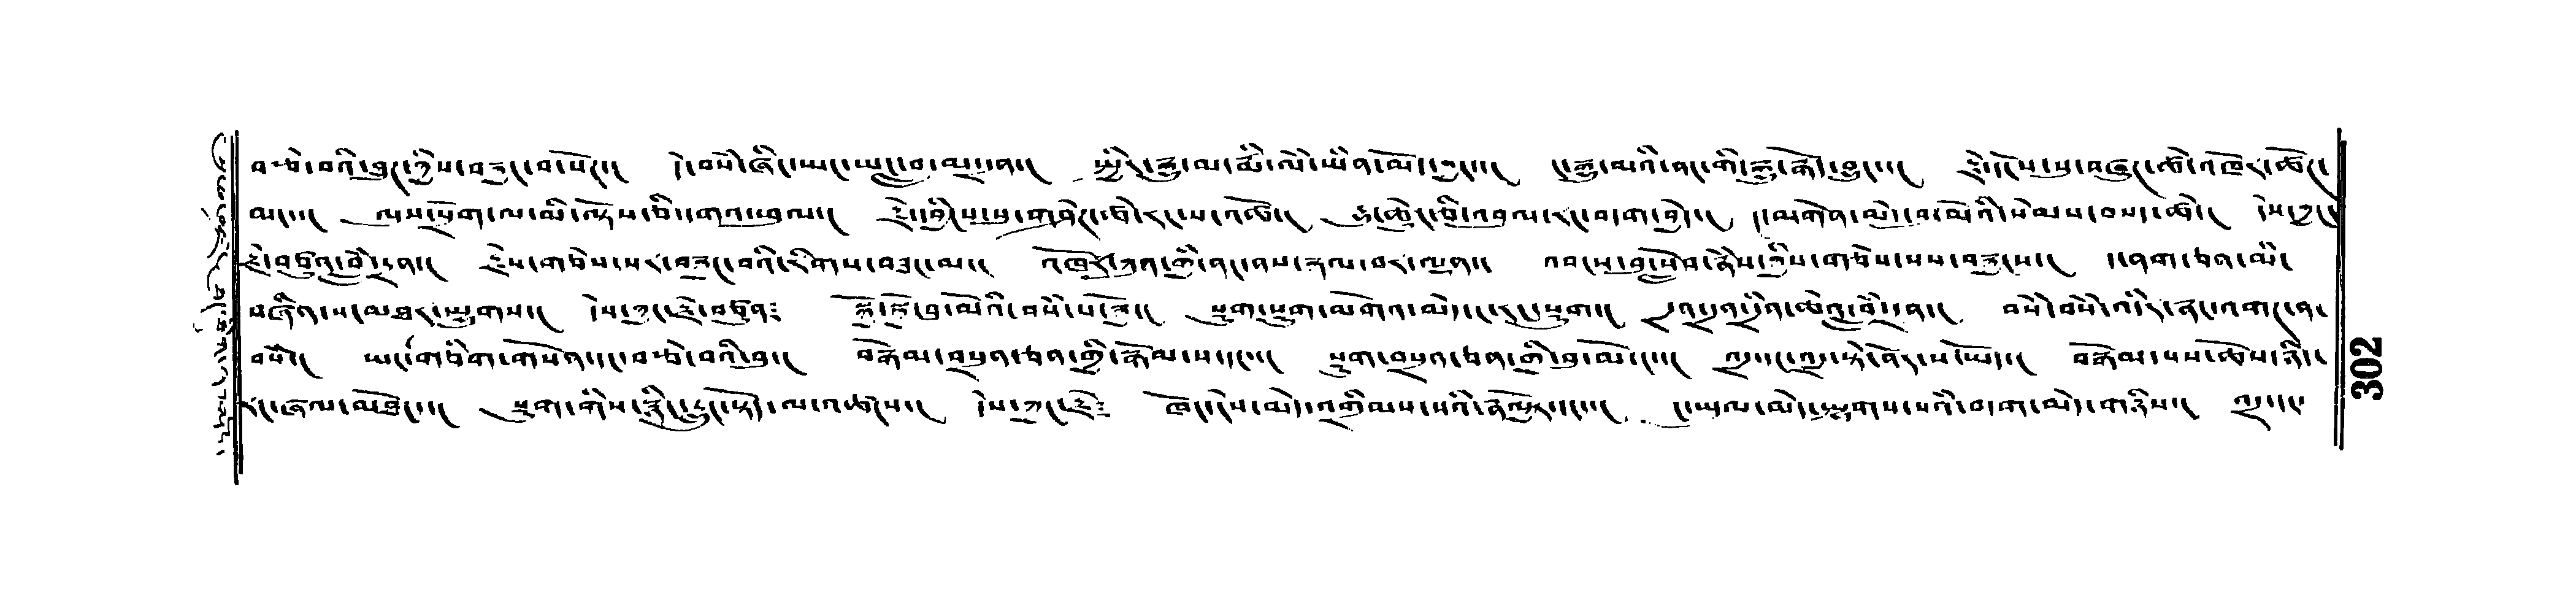བརྩེ་བའི་ཐུགས་ཀྱིས་བསྐྱངས་བ་སོགས། །དེ་བསམ་ཞིང་ཡང་ཡང་བླ་མ་དྲན། །སྤྱིར་སྒྱུ་མ་རྨི་ལམ་ཡིན་མོད་ཀྱང་། །ང་སྒྱུ་མའི་ནང་གི་སྒྱུ་རྒོད་བྱུང་། །རྗེ་དངོས་སུ་བཞུགས་ཚེ་འཁོར་ཚོགས་
མང་། །ལུས་སྲོག་ལ་མི་ལྟོས་ཅི་དགའ་ཕུལ། །རྗེ་དབྱིངས་སུ་གཤེགས་ཚེ་རང་ས་འཚོ། །རྒྱུ་ཆེ་ཆུང་ཅི་འབུལ་རང་བདག་བྱེད། །ང་མགོན་མེད་བུ་མོའི་སེམས་བསད་ཚེ། །དེས་ཀྱང་
རྗེ་བཙུན་བླ་མ་དྲན། །རྗེས་གཅེས་པར་བསྐྱངས་བའི་རིགས་བཟང་མ། །འཁོར་ཀུན་གྱི་ནང་ནས་སྐལ་བར་ལྡན། །འབངས་བུ་སློབ་རྣམས་ཀྱིས་གཅེས་པས་བསྐྱངས། ད་ནག་ཅན་མི་
བཞིན་ས་མཐར་སྤྱུགས། །དེས་ཀྱང་རྗེ་བཙུན༴ སྐྱོ་སྐྱོ་བུ་མོའི་བསམ་པ་སྐྱོ། སྡུག་སྡུག་མགོན་མེད་ང་རང་སྡུག །དྲན་དྲན་དྲིན་ཆེན་བླ་མ་དྲན། །བསམ་བསམ་འདིར་སྣང་འགགས་ན་
བསམ། །ཡང་གཅིག་གསོན་དང་བརྩེ་བའི་བུ། །བསྒོམ་བསྲན་ཅན་གྱི་སྒོམ་པ་དང་། སྡུག་བསྲན་ཅན་གྱི་བུ་མོ་ང་། །འདྲ་དང་འདྲ་སྟེ་ནོར་པ་ཡོད། །བསྒོམ་པས་ཆོས་ཉིད་
རང་ཞལ་མཐོང་། །སྡུག་གིས་སྙིང་རླུང་སྟོད་ལ་འཚངས། །དེས་ཀྱང་རྗེ༴ ཁོང་ངེས་མེད་འགྲིམས་པའི་རྣལ་འབྱོར་དང་། །ང་ཡུལ་མེད་སྤྱུགས་པའི་བདག་མེད་གཉིས། །འདྲ་དང་